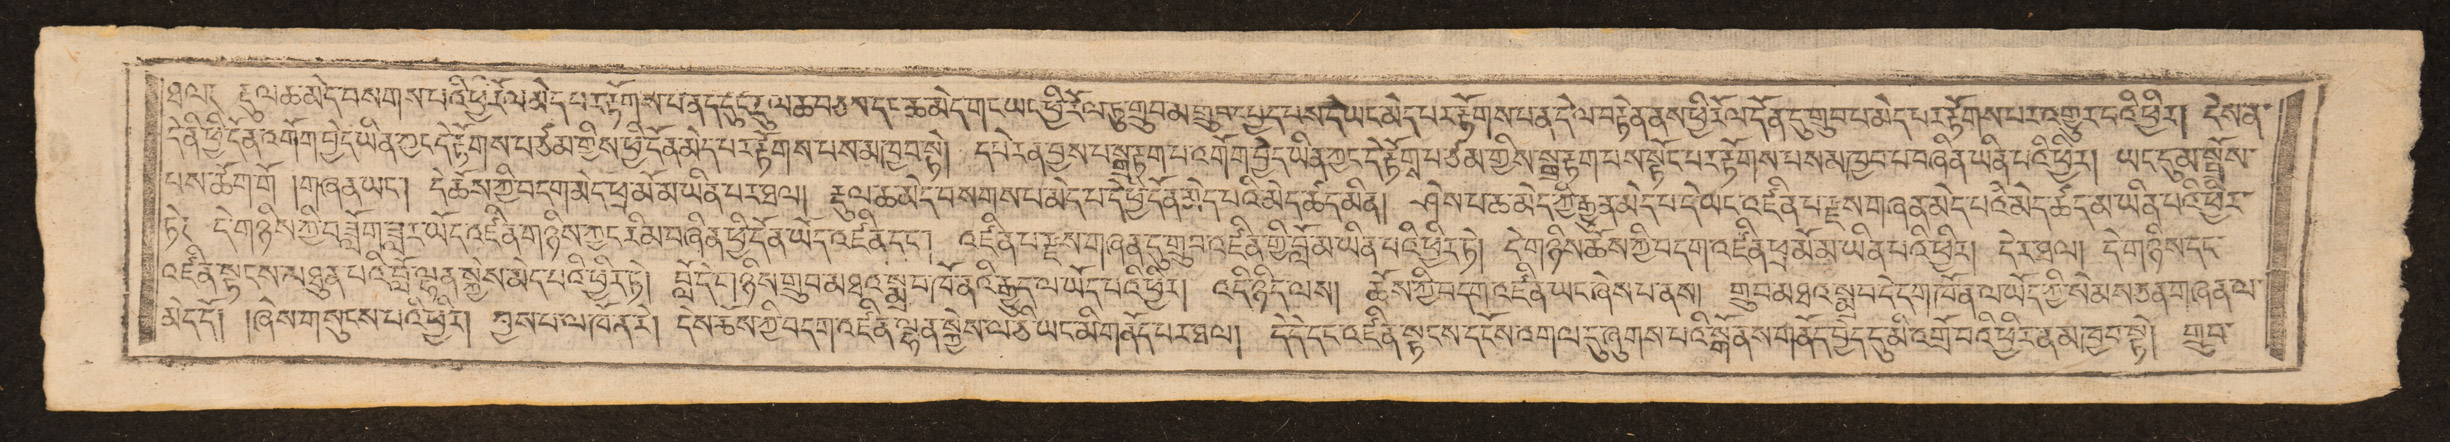ཐལ༑ རྡུལ་ཆ་མེད་བསགས་པའི་ཕྱི་རོལ་མེད་པར་རྟོགས་པ་ན་ད་དུང་རྡུལ་ཆ་བཅས་དང་ཆ་མེད་གང་ཡང་ཕྱི་རོལ་ཏུ་གྲུབ་མ་གྲུབ་དཔྱད་པས་དེ་ཡང་མེད་པར་རྟོགས་པ་ན་དེ་ལ་བརྟེན་ནས་ཕྱི་རོལ་དོན་དུ་གྲུབ་པ་མེད་པར་རྟོགས་པར་འགྱུར་བའི་ཕྱིར། དེས་ན་
དེ་ནི་ཕྱི་དོན་འགོག་བྱེད་ཡིན་ཀྱང་དེ་རྟོགས་པ་ཙམ་གྱིས་ཕྱི་དོན་མེད་པར་རྟོགས་པས་མ་ཁྱབ་སྟེ། དཔེར་ན་བྱས་པ་སྒྲ་རྟག་པ་འགོག་བྱེད་ཡིན་ཀྱང་དེ་རྟོགས་པ་ཙམ་གྱིས་སྒྲ་རྟག་པས་སྟོང་པར་རྟོགས་པས་མ་ཁྱབ་པ་བཞིན་ཡིན་པའི་ཕྱིར། ཡང་དུ་མ་སྤྲོས་
པས་ཆོག་གོ །གཞན་ཡང་། དེ་ཆོས་ཀྱི་བདག་མེད་ཕྲ་མོ་མ་ཡིན་པར་ཐལ། རྡུལ་ཆ་མེད་བསགས་པ་མེད་པ་དེ་ཕྱི་དོན་མེད་པའི་མེད་ཚད་མིན། ཤེས་པ་ཆ་མེད་ཀྱི་རྒྱུན་མེད་པ་དེ་ཡང་འཛིན་པ་རྫས་གཞན་མེད་པའི་མེད་ཚད་མ་ཡིན་པའི་ཕྱིར་
ཏེ༑ དེ་གཉིས་ཀྱི་བཟློག་ཟླར་ཡོད་འཛིན་གཉིས་ཀྱང་རིམ་བཞིན་ཕྱི་དོན་ཡོད་འཛིན་དང་། འཛིན་པ་རྫས་གཞན་དུ་གྲུབ་འཛིན་གྱི་བློ་མ་ཡིན་པའི་ཕྱིར་ཏེ། དེ་གཉིས་ཆོས་ཀྱི་བདག་འཛིན་ཕྲ་མོ་མ་ཡིན་པའི་ཕྱིར། དེར་ཐལ། དེ་གཉིས་དང་
འཛིན་སྟངས་མཐུན་པའི་བློ་ལྷན་སྐྱེས་མེད་པའི་ཕྱིར་ཏེ། བློ་དེ་གཉིས་གྲུབ་མཐའ་སྨྲ་བ་ཁོ་ནའི་རྒྱུད་ལ་ཡོད་པའི་ཕྱིར། འདི་ཉིད་ལས། ཆོས་ཀྱི་བདག་འཛིན་ཡང་ཞེས་པ་ནས། གྲུབ་མཐའ་སྨྲ་བ་དེ་དག་ཁོ་ན་ལ་ཡོད་ཀྱི་སེམས་ཅན་གཞན་ལ་
མེད་དོ། །ཞེས་གསུངས་པའི་ཕྱིར། བྱས་པ་ལ་ཁོ་ན་རེ། དེས་ཆོས་ཀྱི་བདག་འཛིན་ལྷན་སྐྱེས་ལ་ཅི་ཡང་མི་གནོད་པར་ཐལ། དེ་དེ་དང་འཛིན་སྟངས་དངོས་འགལ་དུ་ཞུགས་པའི་སྒོ་ནས་གནོད་བྱེད་དུ་མི་འགྲོ་བའི་ཕྱིར་ན་མ་ཁྱབ་སྟེ། གྲུབ་